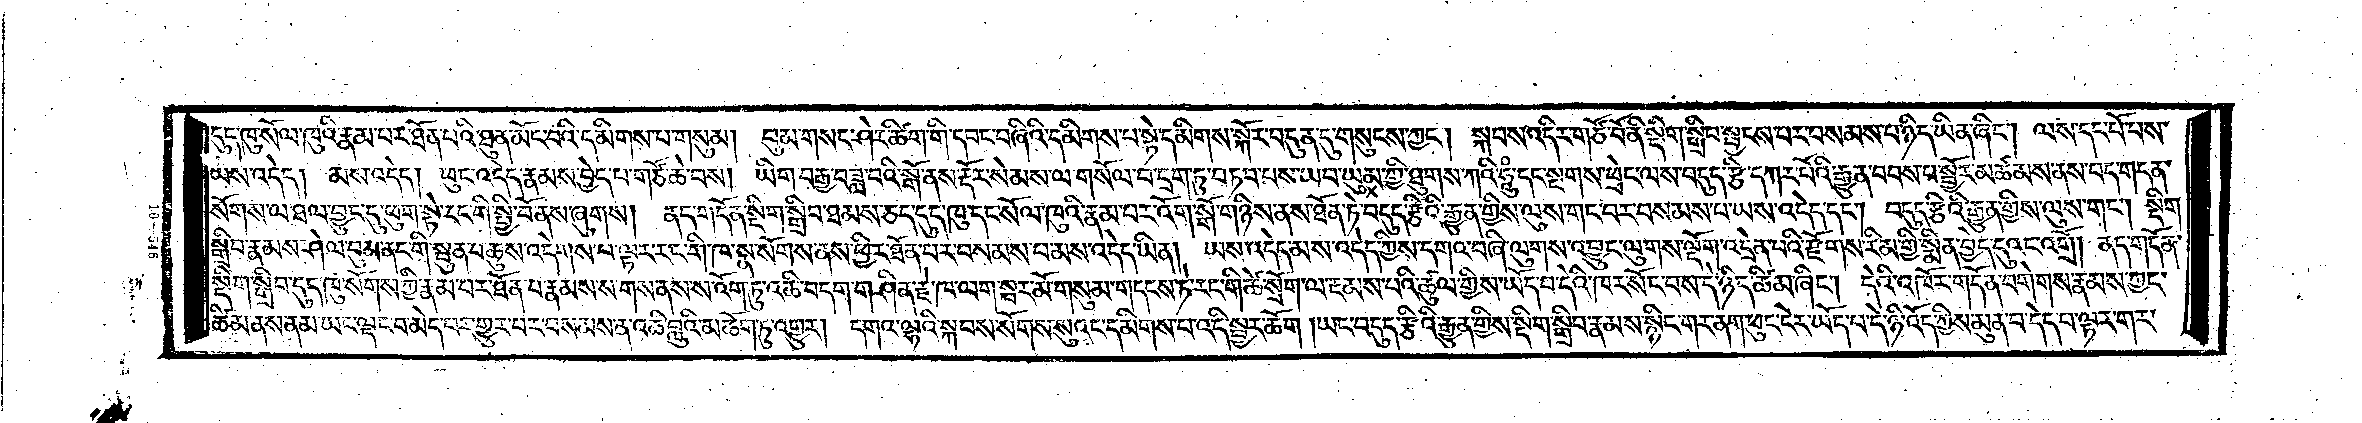དུད་ཁུ་སོལ་ཁུའི་རྣམ་པར་ཐེན་པའི་ཐུན་མོང་བའི་དམིགས་པ་གསུམ། བུམ་གསང་ཤེར་ཚིག་གི་དབང་བཞིའི་དམིགས་པ་སྟེ་དམིགས་སྐོར་བདུན་དུ་གསུངས་ཀྱང་། སྐབས་འདིར་གཙོ་བོ་ནི་སྡིག་སྒྲིབ་སྦྱངས་བར་བསམས་པ་ཉིད་ཡིན་ཞིང་། ལས་
དང་པོ་བས་ཡས་འདེད། མས་འདེད། ཕུང་འདེད་རྣམས་བྱེད་པ་གཙོ་ཆེ་བས། ཡིག་བརྒྱ་བཟླ་བའི་སྒོ་ནས་རྡོར་སེམས་ལ་གསོལ་བ་དྲག་ཏུ་བཏབ་པས་ཡབ་ཡུམ་གྱི་ཐུགས་ཀའི་ཧཱུཾ་དང་སྔགས་ཕྲེང་ལས་བདུད་རྩི་དཀར་པོའི་རྒྱུན་བབས་པ་སྦྱོར་མཚམས་ནས་བདེ་གདན་
སོགས་ལ་ཐལ་བྱུང་དུ་ཕུག་སྟེ་རང་གི་སྤྱི་བོ་ནས་ཞུགས། ནང་གདོན་སྡིག་སྒྲིབ་ཐམས་ཅད་དུད་ཁུ་དང་སོལ་ཁུའི་རྣམ་པར་འོག་སྒོ་གཉིས་ནས་ཐོན་ཏེ་བདུད་རྩིའི་རྒྱུན་གྱིས་ལུས་གང་བར་བསམས་པ་ཡས་འདེད་དང་། བདུད་རྩིའི་རྒྱུན་གྱིས་ལུས་གང་། སྡིག་
སྒྲིབ་རྣམས་ཤེལ་བུམ་ནང་གི་སྦུན་པ་ཆུས་འདེགས་པ་ལྟར་རང་གི་ཁ་སྣ་སོགས་ནས་ཕྱིར་ཐོན་པར་བསམས་པ་མས་འདེད་ཡིན། ཡས་འདེད་མས་འདེད་ཀྱིས་དགའ་བཞི་ལུགས་འབྱུང་ལུགས་ལྡོག་འདྲེན་པའི་རྫོགས་རིམ་གྱི་སྨིན་བྱེད་དུའང་འགྲོ། ནད་
གདོན་སྡིག་སྒྲིབ་དུད་ཁུ་སོགས་ཀྱི་རྣམ་པར་ཐོན་པ་རྣམས་ས་གས་ནས་ས་འོག་ཏུ་འཆི་བདག་གཤིན་རྗེ་ཁ་ལག་སྦར་མོ་གསུམ་གདངས་ཏེ་རང་གི་ཚེ་སྲོག་ལ་རྡམས་པའི་ཚུལ་གྱིས་ཡོད་པ་དེའི་ཁར་སོང་བས་དེ་ཉིད་ཚིམ་ཞིང་། དེའི་འཁོར་གདོན་བགེགས་རྣམས་
ཀྱང་ཚིམ་ནས་ནམ་ཡང་ལྡང་བ་མེད་པར་གྱུར་བར་བསམས་ན་འཆི་བླུའི་མཆོག་ཏུ་འགྱུར། དགའ་ལྷའི་སྐབས་སོགས་སུང་འང་དམིགས་པ་འདི་སྦྱར་ཆོག །ཡང་བདུད་རྩིའི་རྒྱུན་གྱིས་སྡིག་སྒྲིབ་རྣམས་སྙིང་གར་ནག་ཕུང་དེར་ཡོད་པ་དེ་ཉི་འོད་ཀྱིས་མུན་པ་དེད་བ་ལྟར་གར་